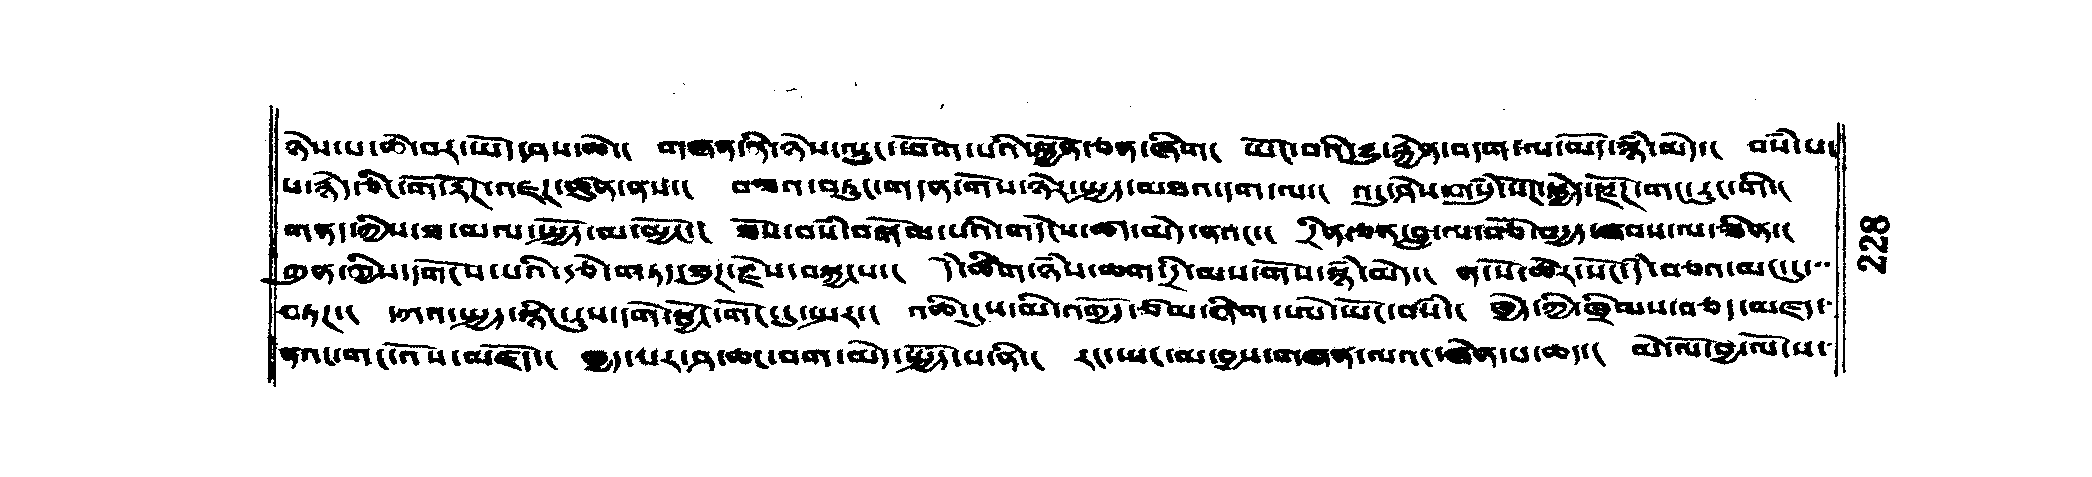ཉེས་པ་ཆེ་བར་ཡོད་ཤས་ཆེ། །གཞན་ནི་ཉེས་ལྟུང་ཕོག་པའི་སྐྱོན་ཅན་ཞིག །ཡོང་བའི་རྒྱུ་རྐྱེན་བདག་ལ་ཡོད་སྙམ་མེད། །བསམ་པ་
རྙེད་ཅིང་གོ་རྟོགས་འཇགས་ཚུན་ནས། །བཟའ་བཏུང་གདན་གོས་ཉེར་སྤྱད་མཐའ་དག་ལ། །འདུ་ཤེས་གསུམ་སོགས་སྐྱེད་རྫོགས་གང་རུང་གི །
གནད་ཀྱིས་ཐ་མལ་ལོངས་སུ་སྤྱོད་མ་མྱོང་། །ཐོས་བསམ་སྒོམ་པའི་གདེང་ཚད་མེད་ནའང་། །དྲིན་ཅན་བླ་མ་བཅོ་བརྒྱད་ཞབས་ལ་ཟིན། །
ཀུན་གྱིས་དགོངས་པའི་རྩེ་གཏད་ཐུགས་རྗེས་བསྐྱངས། །དམ་ཚིག་ཉམས་ཆག་དྲི་མས་གོས་སྙམ་མེད། །ན་སོ་ཆེར་སོང་དམ་བཅའ་མང་དུ་
གཏོང་། །དཀའ་སྤྱད་སྙིང་རུས་དགེ་སྦྱོར་གོང་དུ་སྤར། །འཆི་དུས་མི་འགྱོད་ཙམ་ཞིག་ཨེ་ཡོང་བསམ། །ཁྱེད་ཀྱི་ཁྲིམས་བཅད་མཛད་
ནའང་གང་འོས་མཛོད། །ཁྱད་པར་ཤ་ཆང་བག་མེད་སྤྱོད་པ་ནི། །རང་ཡང་མ་བྱས་གཞན་ལའང་ཞེན་པ་ཆད། །མེ་ལོ་བྱ་ལོ་ས་